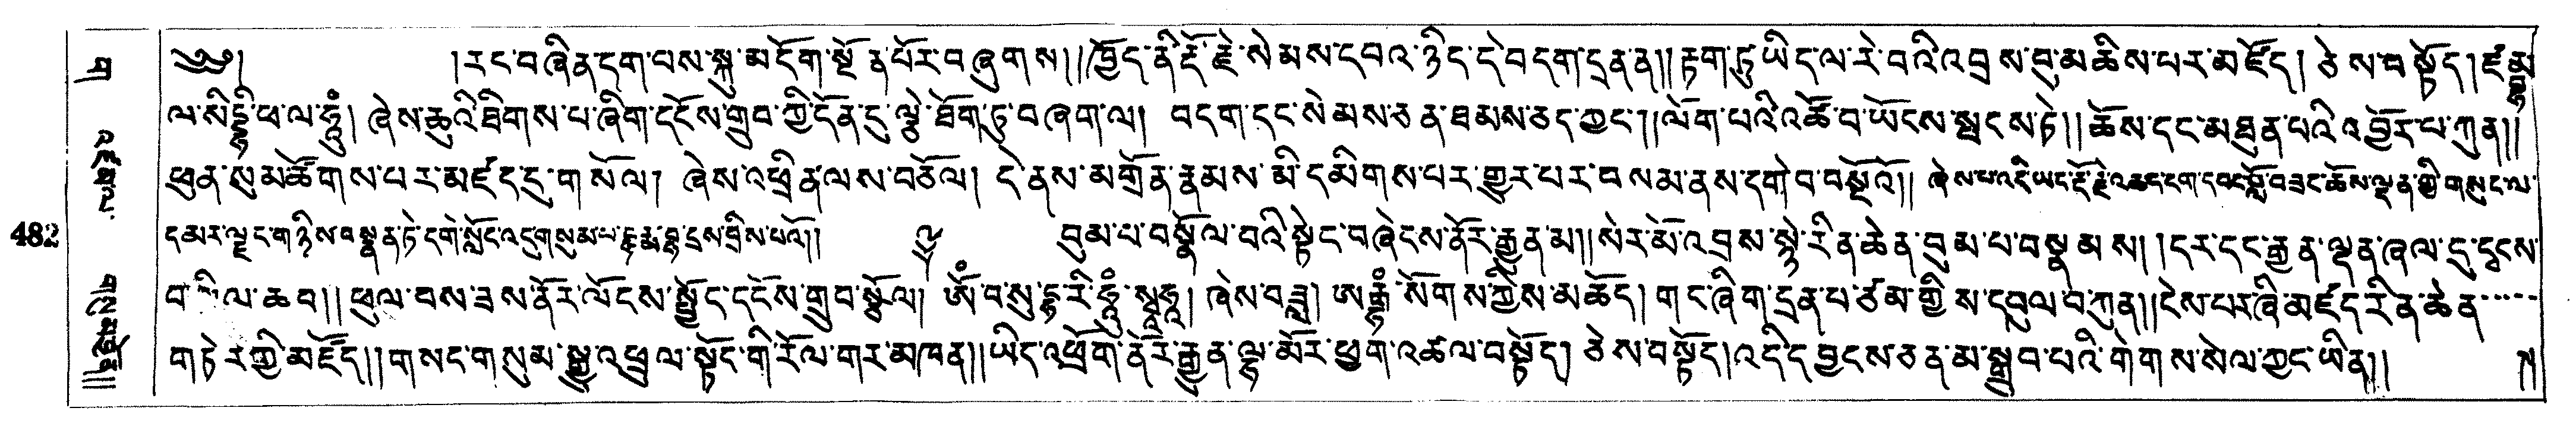༄༅། །རང་བཞིན་དག་པས་སྐུ་མདོག་སྔོན་པོར་བཞུགས། །ཁྱོད་ནི་རྡོ་རྗེ་སེམས་དཔའ་ཉིད་དེ་བདག་དྲན་ན། །རྟག་ཏུ་ཡིད་ལ་རེ་བའི་འབྲས་བུ་མཆིས་པར་མཛོད། ཅེས་བསྟོད། ཛམྦྷ་
རླ་སིདྡྷི་ཕ་ལ་ཧཱུཾ། ཞེས་ཆུའི་ཐིགས་པ་ཞིག་དངོས་གྲུབ་ཀྱི་དོན་དུ་ལྕེ་ཐོག་ཏུ་བཞག་ལ། བདག་དང་སེམས་ཅན་ཐམས་ཅད་ཀྱང་། །ལོག་པའི་འཚོ་བ་ཡོངས་སྤངས་ཏེ། །ཆོས་དང་མཐུན་པའི་འབྱོར་པ་ཀུན། །
ཕུན་སུམ་ཚོགས་པར་མཛད་དུ་གསོལ། ཞེས་འཕྲིན་ལས་བཅོལ། དེ་ནས་མགྲོན་རྣམས་མི་དམིགས་པར་གྱུར་པར་བསམ་ནས་དགེ་བ་བསྔོའོ། །ཞེས་པ་འདི་ཡང་རྡོ་རྗེ་འཆང་ངག་དབང་བློ་བཟང་ཆོས་ལྡན་གྱི་གསུང་ལ་
དམར་ལྗང་གཉིས་བསྣན་ཏེ་དགེ་སློང་འདུ་གསུམ་པ་དྷརྨ་བྷ་དྲས་བྲིས་པའོ། ། ༈བུམ་པ་བསྣོལ་བའི་སྟེང་བཞེངས་ནོར་རྒྱུན་མ། །སེར་མོ་འབྲས་སྙེ་རིན་ཆེན་བུམ་པ་བསྣམས། །དར་དང་རྒྱན་ལྡན་ཞལ་དུ་དྭངས་
བ་?་ཆབ། །ཕུལ་བས་ཟས་ནོར་ལོངས་སྤྱོད་དངོས་གྲུབ་སྩོལ། ཨོཾ་བ་སུ་དྷ་རི་ཧཱུཾ་སྭཱཧཱ། ཞེས་བཟླ། ཨརྒྷཾ་སོགས་ཀྱིས་མཆོད། གང་ཞིག་དྲན་པ་ཙམ་གྱིས་དབུལ་བ་ཀུན། །ངེས་པར་ཞི་མཛད་རིན་ཆེན་
གཏེར་གྱི་མཛོད། །གསང་གསུམ་སྒྱུ་འཕྲུལ་སྟོང་གི་རོལ་གར་མཁན། །ཡིད་འཕྲོག་ནོར་རྒྱུན་ལྷ་མོར་ཕྱག་འཚལ་བསྟོད། ཅེས་བསྟོད། འདི་དབྱངས་ཅན་མ་སྒྲུབ་པའི་གེགས་སེལ་ཀྱང་ཡིན།། ། །